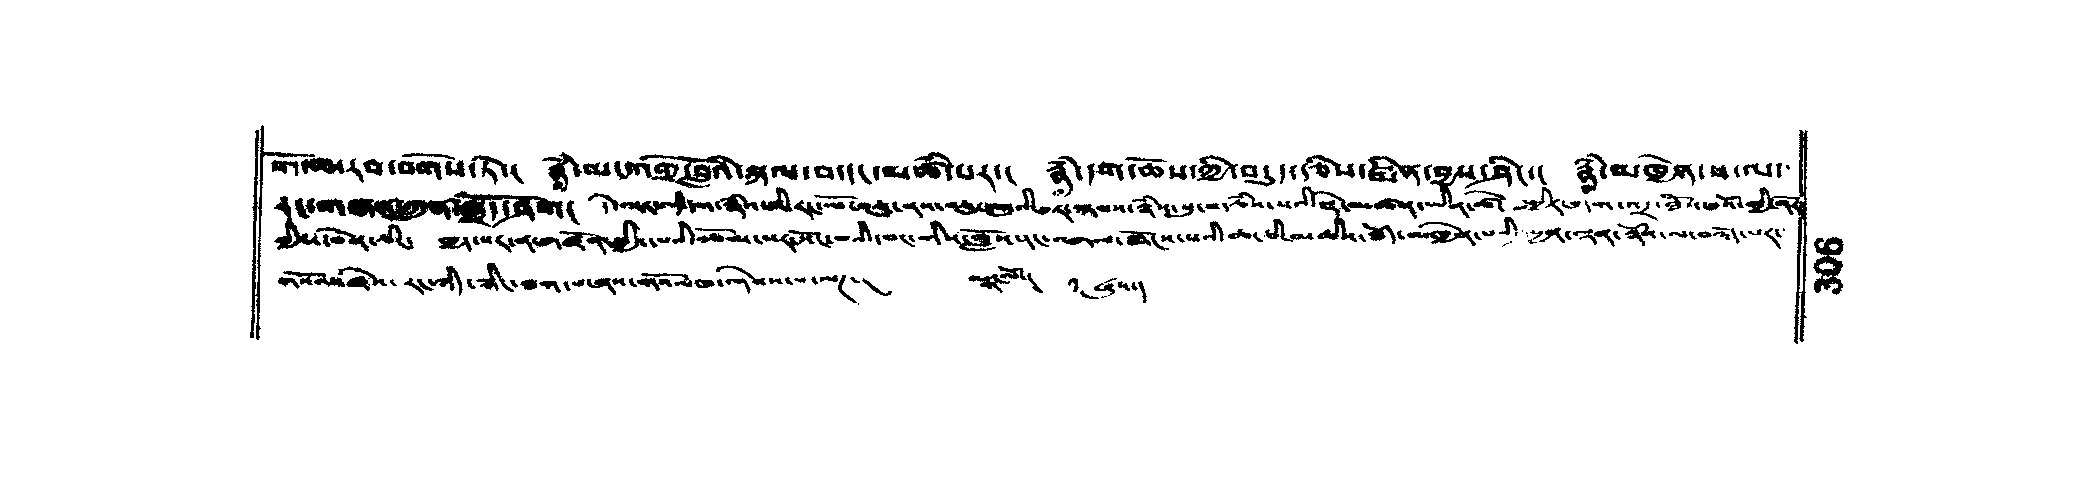གོ་ཆ་རབ་བགོས་ཏེ། །རྣམ་མང་འགྲོ་བློའི་སྐལ་བ་དང་འཚམས་པར། །རྣམ་དག་ཆོས་ཀྱི་བདུད་རྩིས་སྨིན་བྱས་ཤིང་། །རྣམ་མཁྱེན་ས་ལ་
རང་གཞན་ཀུན་འགྲོད་ཤོག དེ་ལྟར་འདི་དག་རྣམས་ནི་རང་ལོ་བཅུ་ནས་བཅུ་དགུའི་བར་སྐབས་རྣམས་སུ་བརྩམས་པའི་སྡེ་མཚན་ཡིན་ཚེ་སྤྱིར་བདག་འདྲ་ཐོས་བསམ་གྱི་ནོར་
གྱིས་དབེན་ཅིང་། ཁྱད་པར་ན་གཞོན་བྱིས་པའི་རྩོམ་པར་སོང་བའི་དབང་གིས་ཟློས་དང་འགལ་རྨོངས་ཀྱི་ཆ་ཅི་མཆིས་ཐམས་ཅད་མཁྱེན་པའི་སྤྱན་ལྡན་རྣམས་ལ་བཟོད་པར་
གསོལ་ཞེས་རང་ཉིད་སྙིང་ཐག་པ་ནས་གསོལ་བ་འདེབས་པ་ལགས།། མངྒ་ལཾ།།